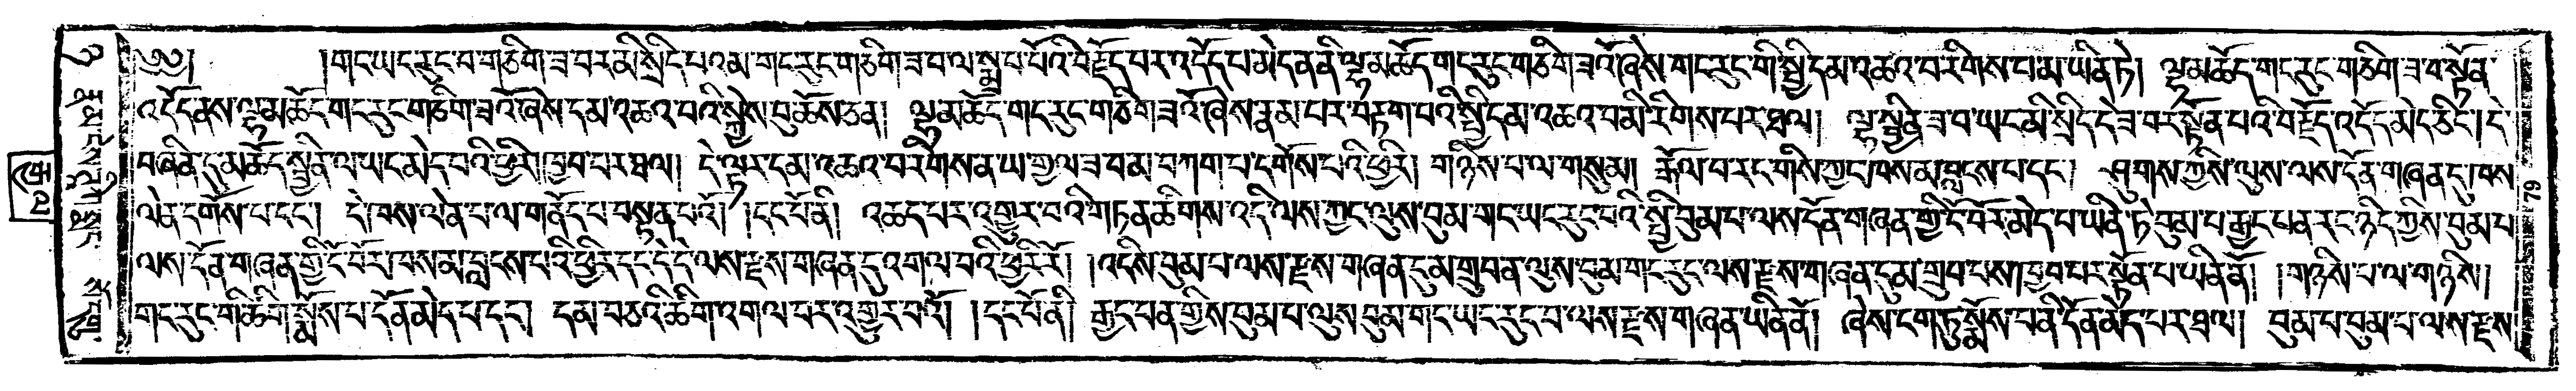༄༅། །གང་ཡང་རུང་བ་གཅིག་ཟ་བར་མི་སྲིད་པའམ་གང་རུང་གཅིག་ཟ་བ་ལ་སྨྲ་བ་པོའི་བརྗོད་པར་འདོད་པ་མེད་ན་ནི་ལྷ་མཆོད་གང་རུང་གཅིག་ཟའོ་ཞེས་གང་རུང་གི་སྦྱི་དམ་འཆའ་བ་རིགས་བ་མ་ཡིན་ཏེ། ལྷ་མཆོད་གང་རུང་གཅིག་ཟ་བ་སྟོན་
འདོད་ནས་ལྷ་མཆོད་གང་རུང་གཅིག་ཟའོ་ཞེས་དམ་འཆའ་བའི་སྐྱེས་བུ་ཆོས་ཅན། ལྷ་མཆོད་གང་རུང་གཅིག་ཟའོ་ཞེས་རྣམ་པར་བརྟག་པའི་སྤྱི་དམ་འཆའ་བ་མི་རིགས་པར་ཐལ། ལྷ་སྦྱིན་ཟ་བ་ཡང་མི་སྲིད་དེ་ཟ་བར་སྟོན་པའི་བརྗོད་འདོད་མེད་ཅིང་། དེ་
བཞིན་དུ་མཆོད་སྦྱིན་ལ་ཡང་མེད་བའི་ཕྱིར། ཁྱབ་པར་ཐལ། དེ་ལྟར་དམ་འཆའ་བ་རིགས་ན་ཡ་གྱལ་ཟ་བ་མ་བཀག་པ་དགོས་པའི་ཕྱིར། གཉིས་པ་ལ་གསུམ། རྒོལ་བ་རང་གིས་ཀྱང་ཁས་མ་བླངས་པ་དང་། ཤུགས་ཀྱིས་ལུས་ལས་དོན་གཞན་དུ་ཁས་
ལེན་དགོས་པ་དང་། དེ་ཁས་ལེན་པ་ལ་གནོད་པ་བསྟན་པའོ། །དང་པོ་ནི། འཆད་པར་འགྱུར་བའི་གཏན་ཚིགས་འདི་ལས་ཀྱང་ལུས་བུམ་གང་ཡང་རུང་བའི་སྤྱི་བུམ་པ་ལས་དོན་གཞན་གྱི་ངོ་བོར་མེད་པ་ཡིན་ཏེ་བུམ་པ་རྒྱང་པན་རང་ཉིད་ཀྱིས་བུམ་པ་
ལས་དོན་གཞན་གྱི་ངོ་བོར་ཁས་མ་བླངས་པའི་ཕྱིར་དང་དེ་དེ་ལས་རྫས་གཞན་དུ་འགལ་བའི་ཕྱིར་རོ། །འདིས་བུམ་པ་ལས་རྫས་གཞན་དུ་མ་གྲུབ་ན་ལུས་བུམ་གང་རུང་ལས་རྫས་གཞན་དུ་མ་གྲུབ་པས། བྱབ་པར་སྟོན་པ་ཡིན་ནོ། །གཉིས་པ་ལ་གཉིས།
གང་རུང་གི་ཚིག་སྨོས་པ་དོན་མེད་པ་དང་། དམ་བཅའི་ཚིག་འགལ་བར་འགྱུར་བའོ། །དང་པོ་ནི། རྒྱང་པན་གྱིས་བུམ་པ་ལུས་བུམ་གང་ཡང་རུང་བ་ལས་རྫས་གཞན་ཡིན་ནོ། ཞེས་ངག་ཏུ་སྨོས་པ་ནི་དོན་མེད་པར་ཐལ། བུམ་པ་བུམ་པ་ལས་རྫས་